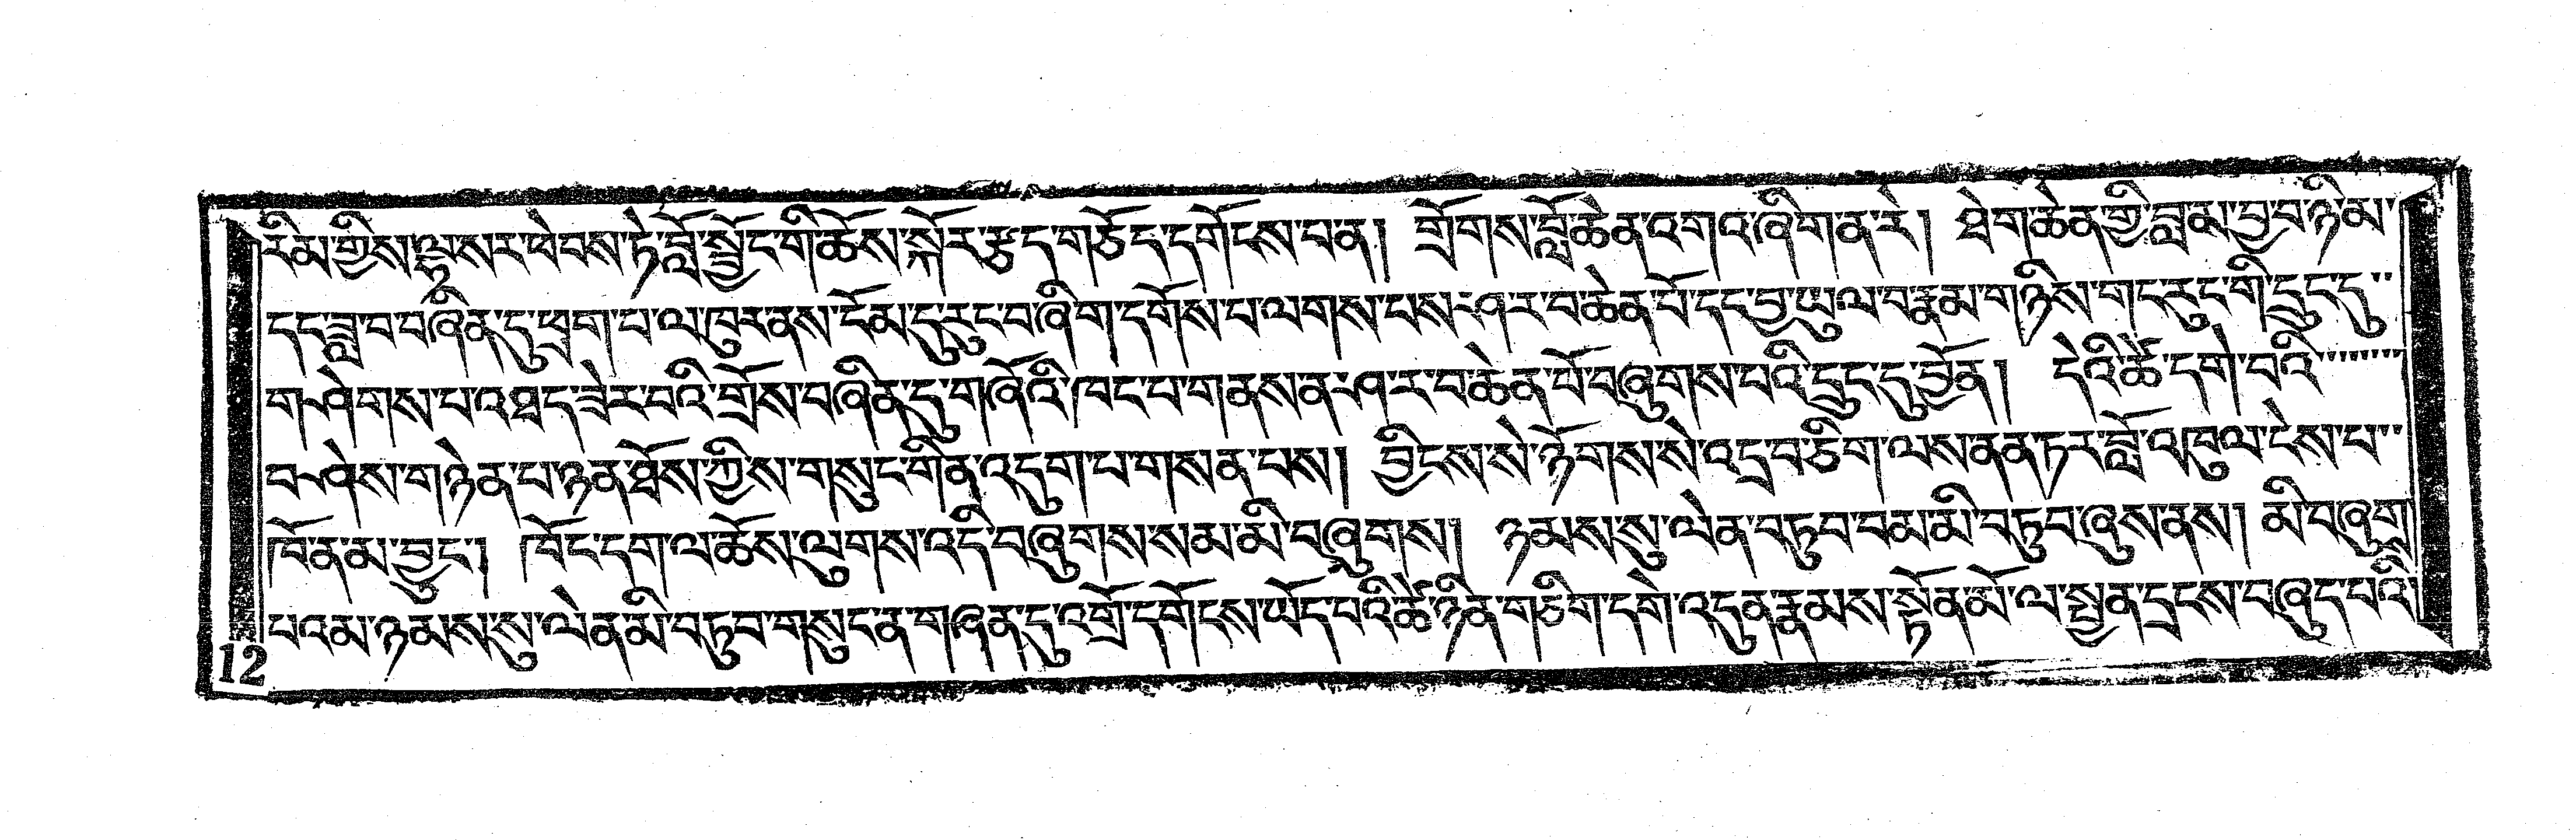རིམ་གྱིས་ལྷ་སར་ཕེབས་ཏེ་བློ་སྦྱོང་གི་ཆོས་སྐོར་རྩད་གཅོད་དགོངས་པ་ན། གྲོགས་བློ་ཆེན་འགའ་ཞིག་ན་རེ། ཐེག་ཆེན་གྱི་བླ་མ་བྱ་བ་ཉི་མ་
དང་ཟླ་བ་བཞིན་དུ་ཕྲག་པ་ལ་ཁུར་ནས་དོམ་དུ་རུང་བ་ཞིག་དགོས་པ་ལགས་པས་ཤ་ར་བ་ཆེན་པོ་དང་བྱ་ཡུལ་བ་རྣམ་གཉིས་གང་རུང་གི་དྲུང་དུ་
གཤེགས་པ་འཐད་ཟེར་བའི་གྲོས་བཞིན་དུ་གཞོའི་ཁང་པ་གནས་ན་ཤ་ར་བ་ཆེན་པོ་བཞུགས་པའི་དྲུང་དུ་བྱོན། དེའི་ཚེ་དགེ་བའི་
བཤེས་གཉེན་པ་ཉན་ཐོས་ཀྱིས་གསུང་གི་ན་འདུག་པ་གསན་པས། བྱིངས་སེ་ཉོགས་སེ་འདྲ་བ་ཅིག་ལས་ནན་ཏར་བློ་འཁུལ་ངེས་པ་
ཁོ་ན་མ་བྱུང་། ཁོང་དག་ལ་ཆོས་ལུགས་འདི་བཞུགས་སམ་མི་བཞུགས། ཉམས་སུ་ལེན་བཏུབ་བམ་མི་བཏུབ་ཞུས་ནས། མི་བཞུགས་
པའམ་ཉམས་སུ་ལེན་མི་བཏུབ་གསུང་ན་གཞན་དུ་འགྲོ་དགོངས་ཡོད་པའི་ཚེ་ཉིན་གཅིག་དགེ་འདུན་རྣམས་སྟོན་མོ་ལ་སྤྱན་དྲངས་བཞུད་པའི།